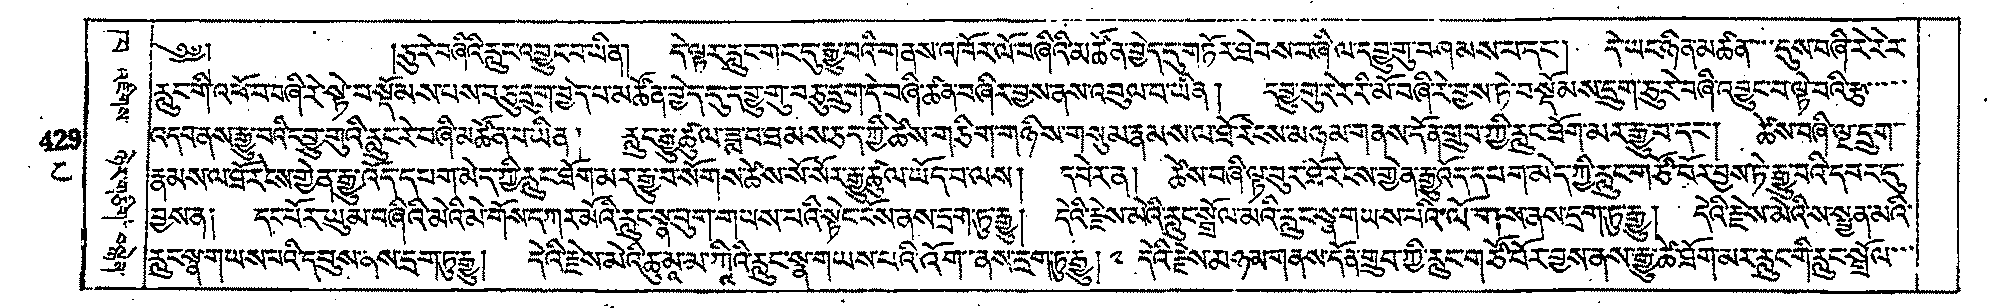༄༅། །ཅུ་རེ་བཞིའི་རླུང་འབྱུང་བ་ཡིན། དེ་ལྟར་རླུང་གང་དུ་རྒྱུ་བའི་གནས་འཁོར་ལོ་བཞིའི་མཚོན་བྱེད་དུ་གཏོར་ཐེབས་བཞི་ལ་དབྱུག་གུ་བཤམས་པ་དང་། དེ་ཡང་ཉིན་མཚན་་་དུས་བཞི་རེ་རེར་
རླུང་གི་འཕོ་བ་བཞི་རེ་སྟེ་བསྡོམས་པས་བཅུ་དྲུག་བྱེད་པ་མཚོན་བྱེད་དུ་དབྱུ་གུ་བཅུ་དྲུག་དེ་བཞི་ཚན་བཞིར་བྱས་ནས་འབུལ་བ་ཡིན། དབྱུ་གུ་རེར་རི་མོ་བཞི་རེ་བྱས་ཏེ་བསྡོམས་དྲུག་ཅུ་རེ་བཞི་འབྱུང་བ་ལྟེ་བའི་རྩ་་་
འདབ་ནས་རྒྱུ་བའི་དབྱུ་གུའི་རླུང་རེ་བཞི་མཚོན་པ་ཡིན། རླུང་རྒྱུ་ཚུལ་ཟླ་བ་ཐམས་ཅད་ཀྱི་ཚེས་གཅིག་ཉིས་གསུམ་རྣམས་ལ་ཐོ་རེངས་མཉམ་གནས་དོན་གྲུབ་ཀྱི་རླུང་ཐོག་པར་རྒྱུ་བ་དང་། ཚེས་བཞི་ལྔ་དྲུག་་་
རྣམས་ལ་ཐོ་རེངས་གྱེན་རྒྱུ་འོད་དཔག་མེད་ཀྱི་རླུང་ཐོག་མར་རྒྱུ་བ་སོགས་ཚེས་སོ་སོར་རྒྱུ་ཚུལ་ཡོད་པ་ལས། དཔེར་ན། ཚེས་བཞི་ལྟ་བུར་ཐོ་རེངས་གྱེན་རྒྱུ་འོད་དཔག་མེད་ཀྱི་རླུང་གཙོ་བོར་བྱས་ཏེ་རྒྱུ་བའི་དབང་དུ་
བྱས་ན༑ དབང་པོར་ཡུམ་བཞིའི་མེའི་མེ་གོས་དཀར་མོའི་རླུང་སྣ་བུག་གཡས་པའི་སྟེང་ངོས་ནས་དྲག་ཏུ་རྒྱུ། དེའི་རྗེས་མེའི་རླུང་སྒྲོལ་མའི་རླུང་སྣ་གཡས་པའི་ལོགས་ནས་དྲག་ཏུ་རྒྱུ། དེའི་རྗེས་མེའི་ས་སྤྱན་མའི་
རླུང་སྣ་གཡས་པའི་དབུས་ནས་དྲག་ཏུ་རྒྱུ། དེའི་རྗེས་མེའི་ཆུ་མཱ་མ་ཀཱིའི་རླུང་སྣ་གཡས་འོག་ནས་དྲག་ཏུ་རྒྱུ། ༧དེའི་རྗེས་མཉམ་ངས་དོན་གྲུབ་ཀྱི་རླུང་གཙོ་བོར་བྱས་ནས་རྒྱུ་ཚེ་ཐོག་མར་རླུང་གི་རླུང་སྒྲོལ་་་